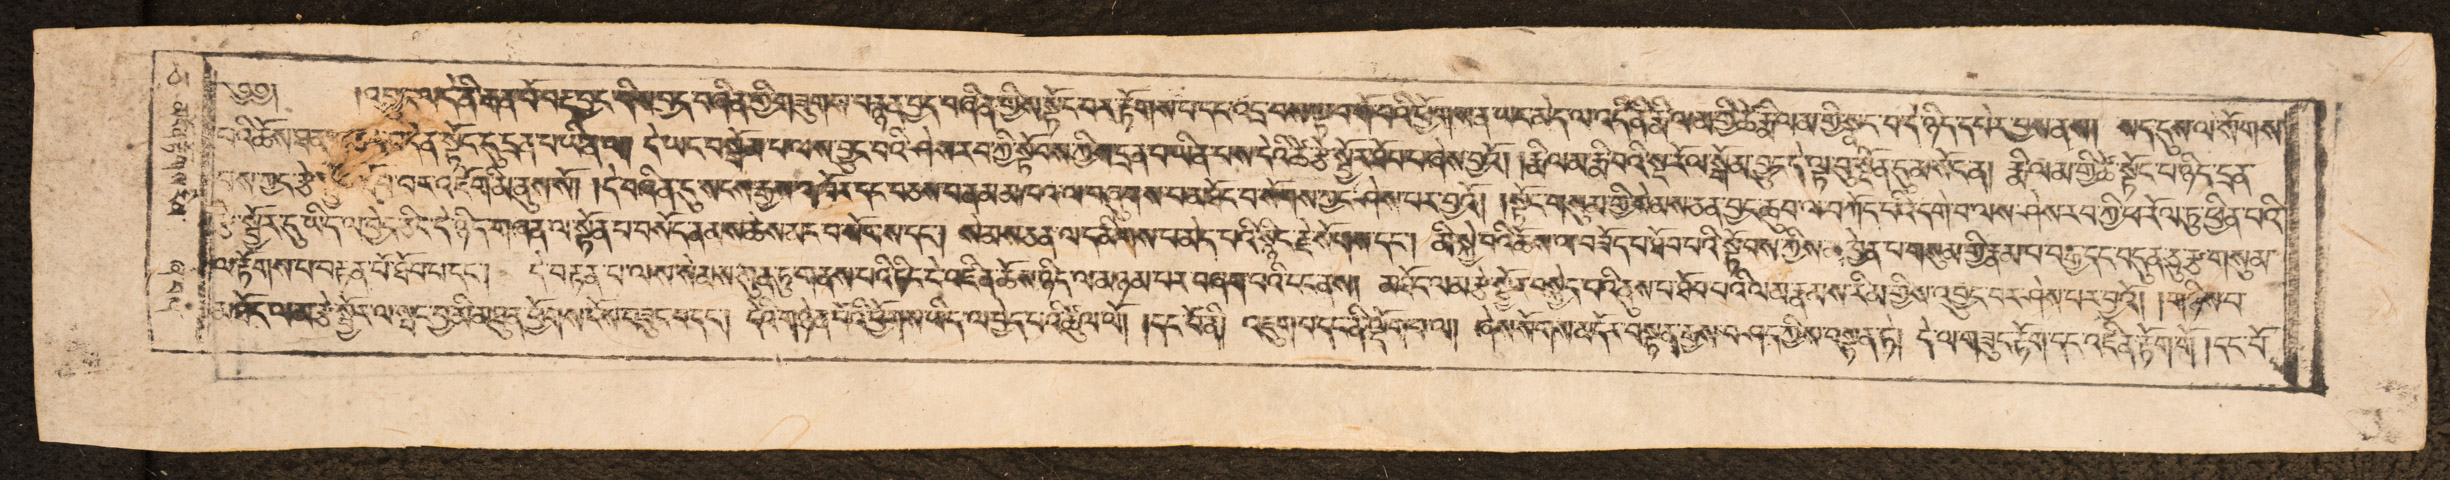༄༅། །འབྱུང་ལ་དེ་ནི་རྒན་པོ་བརྡ་བྱང་གིས་བྱད་བཞིན་གྱི་གཟུགས་བརྙན་བྱད་བཞིན་གྱིས་སྟོང་བར་རྟོགས་པ་དང་འདྲ་བས་ལྟ་བ་གོ་བའི་ཕྱོགས་ན་ཡང་མེད་ལ་འདི་ནི་རྨི་ལམ་གྱི་ཚེ་རྨི་ལམ་གྱི་སྣང་བ་དེ་ཉིད་དཔེར་བྱས་ནས། སད་དུས་ལ་སོགས་
པའི་ཆོས་ཐམས་ཅད་བདེན་སྟོང་དུ་དྲན་པ་ཡིན་ལ། དེ་ཡང་བསྒོམ་པ་ལས་བྱུང་བའི་ཤེས་རབ་ཀྱི་སྟོབས་ཀྱིས་དྲན་པ་ཡིན་པས་དེའི་ཚེ་རྩེ་སྦྱོར་ཐོབ་པ་ཞེས་བྱའོ། །རྨི་ལམ་རྨི་བའི་སྔ་རོལ་སྒོམ་བྱུང་དེ་ལྟ་བུ་སྔོན་དུ་མ་སོང་ན། རྨི་ལམ་གྱི་ཚེ་སྟོང་པ་ཉིད་དྲན་
པས་ཀྱང་རྩེ་སྦྱོར་ཐོབ་པར་འཇོག་མི་ནུས་སོ། །དེ་བཞིན་དུ་སངས་རྒྱས་འཁོར་དང་བཅས་པ་ནམ་མཁའ་ལ་བཞུགས་པ་མཐོང་བ་སོགས་ཀྱང་ཤེས་པར་བྱའོ། །སྟོང་གསུམ་གྱི་སེམས་ཅན་བྱང་ཆུབ་ལ་བཀོད་པའི་དགེ་བ་ལས་ཤེས་རབ་ཀྱི་ཕ་རོལ་ཏུ་ཕྱིན་པའི་
རྩེ་སྦྱོར་དུ་ཡིད་ལ་བྱེད་ཅིང་དེ་ཉིད་གཞན་ལ་སྟོན་པ་བསོད་ནམས་ཆེས་མང་བ་སོགས་དང་། སེམས་ཅན་ལ་དམིགས་པ་མེད་པའི་སྙིང་རྗེ་སོགས་དང་། མི་སྐྱེ་བའི་ཆོས་ལ་བཟོད་པ་ཐོབ་པའི་སྟོབས་ཀྱིས་མཁྱེན་པ་གསུམ་གྱི་རྣམ་པ་བརྒྱ་དང་བདུན་ཅུ་རྩ་གསུམ་
ལ་རྟོགས་པ་བརྟན་པོ་ཐོབ་པ་དང་། དེ་བརྟན་པ་ལས་སེམས་ཀུན་ཏུ་གནས་པའི་ཏིང་ངེ་འཛིན་ཆོས་ཉིད་ལ་མཉམ་པར་བཞག་པའི་ངང་ནས། མཐོང་ལམ་རྩེ་སྦྱོར་བསྐྱེད་པའི་ནུས་པ་ཐོབ་པའི་ལམ་རྣམས་རིམ་གྱིས་འབྱུང་བར་ཤེས་པར་བྱའོ། །གཉིས་པ་
མཐོང་ལམ་རྩེ་སྦྱོར་ལ་སྤང་བྱ་མི་མཐུན་ཕྱོགས་ངོས་བཟུང་བ་དང་། དེའི་གཉེན་པོའི་ཕྱོགས་ཡིད་ལ་བྱེད་པའི་ཚུལ་ལོ། །དང་པོ་ནི། འཇུག་པ་དང་ནི་ལྡོག་པ་ལ། ཞེས་སོགས་མདོར་བསྟན་རྒྱས་བཤད་ཀྱིས་བསྟན་ཏེ། དེ་ལ་གཟུང་རྟོག་དང་འཛིན་རྟོག་གོ །དང་པོ་